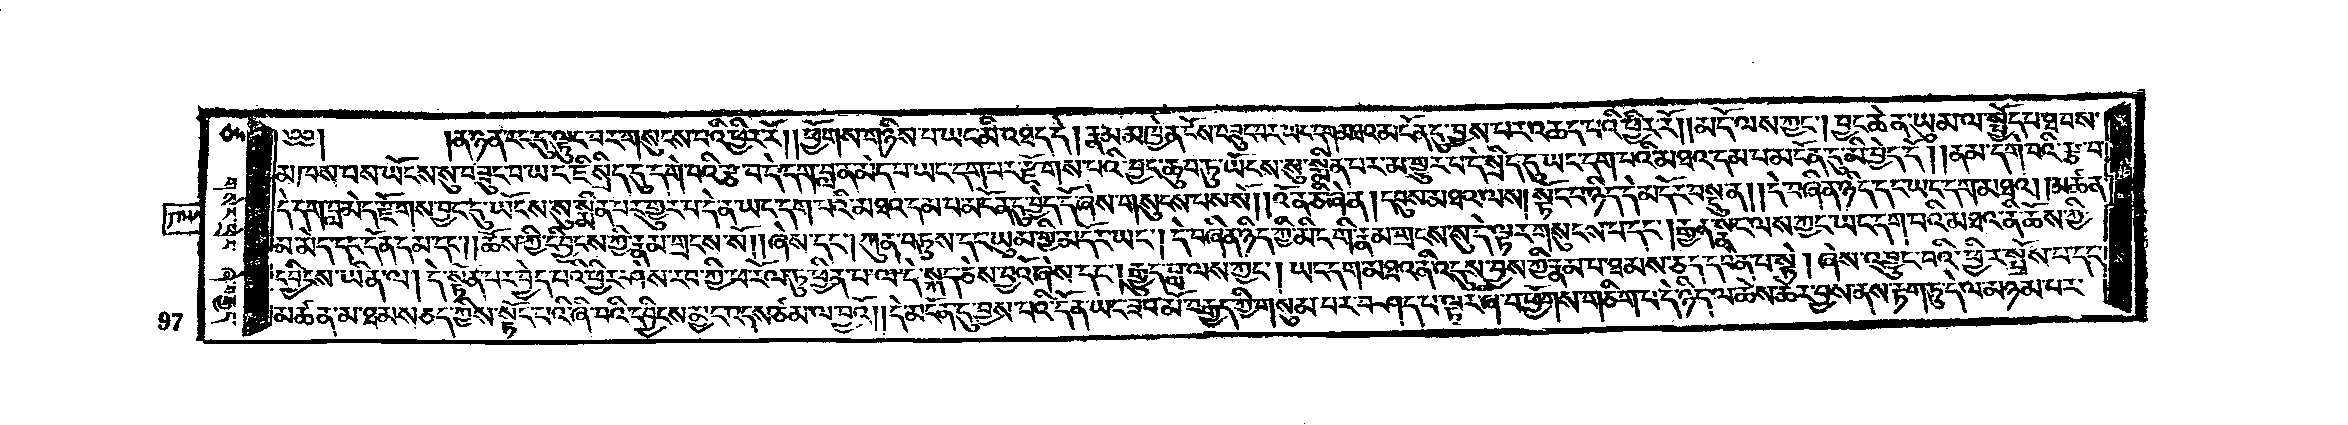༄༅། །ན་ཉན་རང་དུ་ལྟུང་བར་གསུངས་པའི་ཕྱིར་རོ། །ཕྱོགས་གཉིས་པ་ཡང་མི་འཐད་དེ། རྣམ་མཁྱེན་ངོས་བཟུང་བར་ཡང་དག་མཐའ་མངོན་དུ་བྱས་པར་འཆད་པའི་ཕྱིར་རོ། །མདོ་ལས་ཀྱང་། བྱང་ཆེན་ཡུམ་ལ་སྤྱོད་པ་ཐབས་
མཁས་པས་ཡོངས་སུ་བཟུང་བ་ཡང་ཇི་སྲིད་དུ་དགེ་བའི་རྩ་བ་དེ་དག་བླ་ན་མེད་པ་ཡང་དག་པར་རྫོགས་པའི་བྱང་ཆུབ་ཏུ་ཡོངས་སུ་སྨིན་པར་མ་གྱུར་པ་དེ་སྲིད་དུ་ཡང་དག་པའི་མཐའ་དམ་པ་མངོན་དུ་མི་བྱེད་དོ། །ནམ་དགེ་བའི་རྩ་བ་
དེ་དག་བླ་མེད་རྫོགས་བྱང་དུ་ཡོངས་སུ་སྨིན་པར་གྱུར་པ་དེ་ན་ཡང་དག་པའི་མཐའ་དམ་པ་མངོན་དུ་བྱེད་དོ་ཞེས་གསུངས་པས་སོ། །འོ་ན་ཅི་ཞེ་ན། དབུས་མཐའ་ལས། སྟོང་པ་ཉིད་དེ་མདོར་བསྡུ་ན། །དེ་བཞིན་ཉིད་དང་ཡང་དག་མཐའ། །མཚན་
མ་མེད་དང་དོན་དམ་དང་། །ཆོས་ཀྱི་དབྱིངས་ཀྱི་རྣམ་གྲངས་སོ། །ཞེས་དང་། ཀུན་བཏུས་དང་ཡུམ་གྱི་མདོར་ཡང་། དེ་བཞིན་ཉིད་ཀྱི་མིང་གི་རྣམ་གྲངས་སུ་དེ་ལྟར་གསུངས་པ་དང་། རྒྱན་སྣང་ལས་ཀྱང་ཡང་དག་པའི་མཐའ་ནི་ཆོས་ཀྱི་
དབྱིངས་ཡིན་ལ། དེ་སྟོན་པར་བྱེད་པའི་ཕྱིར་ཤེས་རབ་ཀྱི་ཕ་རོལ་ཏུ་ཕྱིན་པ་ལ་དེ་སྐད་ཅེས་བྱའོ་ཞེས་དང་། རྒྱུད་བླ་ལས་ཀྱང་། ཡང་དག་མཐའ་ནི་འདུས་བྱས་ཀྱི་རྣམ་པ་ཐམས་ཅད་དབེན་པ་སྟེ། ཞེས་འབྱུང་བའི་ཕྱིར་སྤྲོས་པ་དང་
མཚན་མ་ཐམས་ཅད་ཀྱིས་སྟོང་པའི་ཞི་བའི་དབྱིངས་མྱང་འདས་ཙམ་ལ་བྱའོ། །དེ་མངོན་དུ་བྱས་པའི་དོན་ཡང་ཟབ་མོ་བརྒྱད་ཀྱི་གསུམ་པར་བཤད་པ་ལྟར་ཞི་བ་ཕྱོགས་གཅིག་པ་དེ་ཉིད་ལ་ཆེས་ཚེར་བྱས་ནས་རྟག་ཏུ་དེ་ལ་མཉམ་པར་